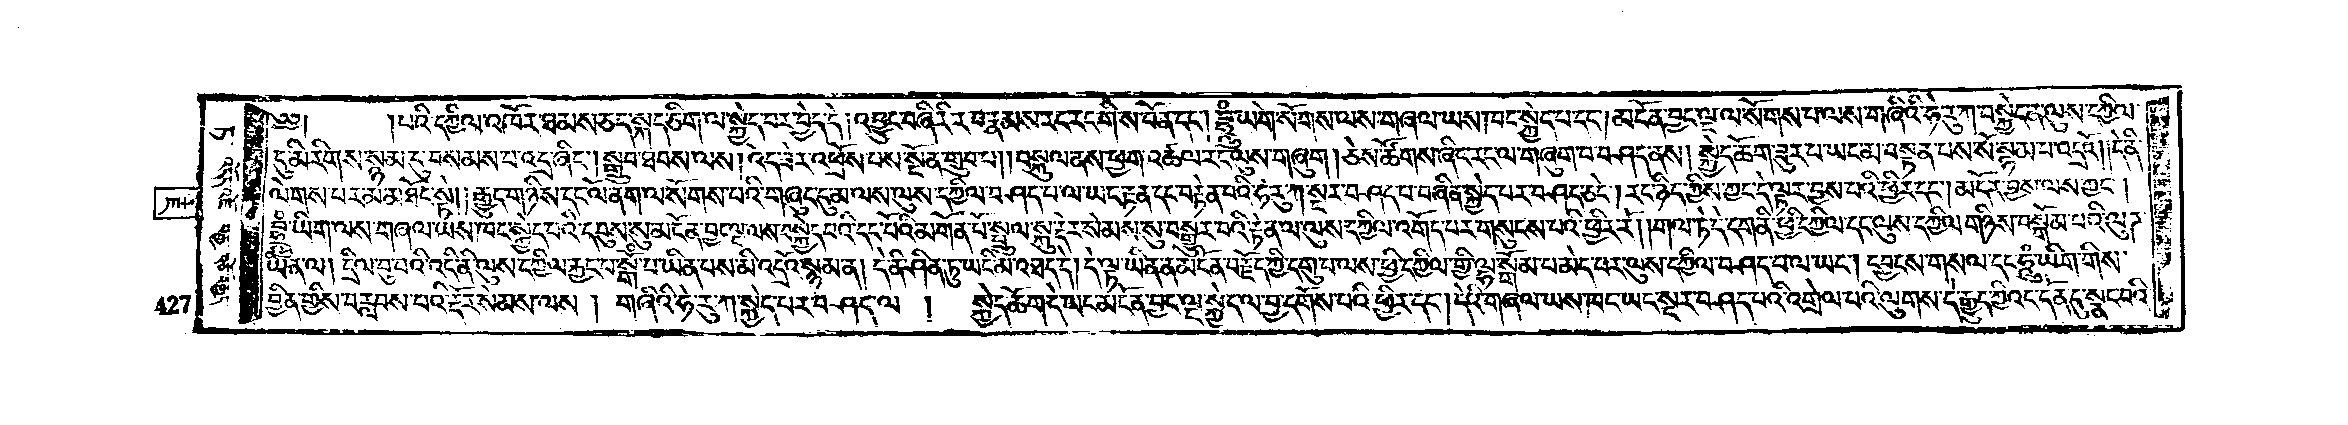༄༅། །པའི་དཀྱིལ་འཁོར་ཐམས་ཅད་སྐད་ཅིག་ལ་སྐྱེད་པར་བྱེད་དེ། འབྱུང་བཞི་རི་རབ་རྣམས་རང་རང་གི་ས་བོན་དང་། བྷྲཱུཾ་ཡིག་སོགས་ལས་གཞལ་ཡས་ཁང་སྐྱེད་པ་དང་། མངོན་བྱང་ལྔ་ལ་སོགས་པ་ལས་གཞིའི་ཧེ་རུ་ཀ་བསྐྱེད་ན་ལུས་དཀྱིལ་
དུ་མི་རིགས་སྙམ་དུ་བསམས་པ་འདྲ་ཞིང་། སྒྲུབ་ཐབས་ལས། འོད་ཟེར་འཕྲོས་པས་སྔོན་གྲུབ་པ། །བསྐུལ་ནས་ཕྱག་འཚལ་རང་ལུས་གཞུག །ཅེས་ཚོགས་ཞིང་རང་ལ་གཞུག་པ་བཤད་ནས། སྐྱེད་ཆོག་ཟུར་པ་ཡང་མ་བསྟན་པས་སོ་སྙམ་པ་འདྲའོ། །དེ་ནི་
ལེགས་པར་མ་མཐོང་སྟེ། །རྒྱུད་གཉིས་དང་ལོ་ནག་ལ་སོགས་པའི་གཞུང་དུ་མ་ལས་ལུས་དཀྱིལ་བཤད་པ་ལ་ཡང་རྟེན་དང་བརྟེན་པའི་ཧེ་རུ་ཀ་སྔར་བཤད་པ་བཞིན་སྐྱེད་པར་བཤད་ཅིང་། རང་ཉིད་ཀྱིས་ཀྱང་དེ་ལྟར་བྱས་པའི་ཕྱིར་དང་། མདོར་བྱས་ལས་ཀྱང་།
བྷྲཱུཾ་ཡིག་ལས་གཞལ་ཡས་ཁང་སྐྱེད་པའི་དབུས་སུ་མངོན་བྱང་ལྔ་ལས་བསྐྱེད་པའི་དང་པོའི་མགོན་པོ་སྤྲུལ་སྐུ་རྡོར་སེམས་སུ་བསྒྱུར་བའི་རྟེན་ལ་ལུས་དཀྱིལ་འགོད་པར་གསུངས་པའི་ཕྱིར་རོ། །གལ་ཏེ་དེ་དག་ནི་ཕྱི་དཀྱིལ་དང་ལུས་དཀྱིལ་གཉིས་བསྒོམ་པའི་ལུགས་
ཡིན་ལ། དྲིལ་བུ་བའི་འདི་ནི་ལུས་དཀྱིལ་རྐྱང་པ་སྒོཾ་པ་ཡིན་པས་མི་འདྲའོ་སྙམ་ན། དེ་ནི་ཤིན་ཏུ་ཡང་མི་འཐད་དེ། དེ་ལྟ་ཡིན་ན་མངོན་བརྗོད་ཀྱི་དགུ་པ་ལས་ཕྱི་དཀྱིལ་གྱི་ལྷ་སྒོམ་པ་མེད་པར་ལུས་དཀྱིལ་བཤད་པ་ལ་ཡང་། དབྱངས་གསལ་དང་ཧཱུཾ་ཡིག་གིས་
བྱིན་གྱིས་བརླབས་པའི་རྡོར་སེམས་ལས། གཞིའི་ཧེ་རུ་ཀ་སྐྱེད་པར་བཤད་ལ། སྐྱེད་ཆོག་དེ་ཡང་མངོན་བྱང་ལྔ་སྐྱེད་ལ་བྱ་དགོས་པའི་ཕྱིར་དང་། དེའི་གཞལ་ཡས་ཁང་ཡང་སྔར་བཤད་པའི་འགྲེལ་པའི་ལུགས་དེ་རྒྱུད་ཀྱིའང་དོན་དུ་སྣང་བའི་